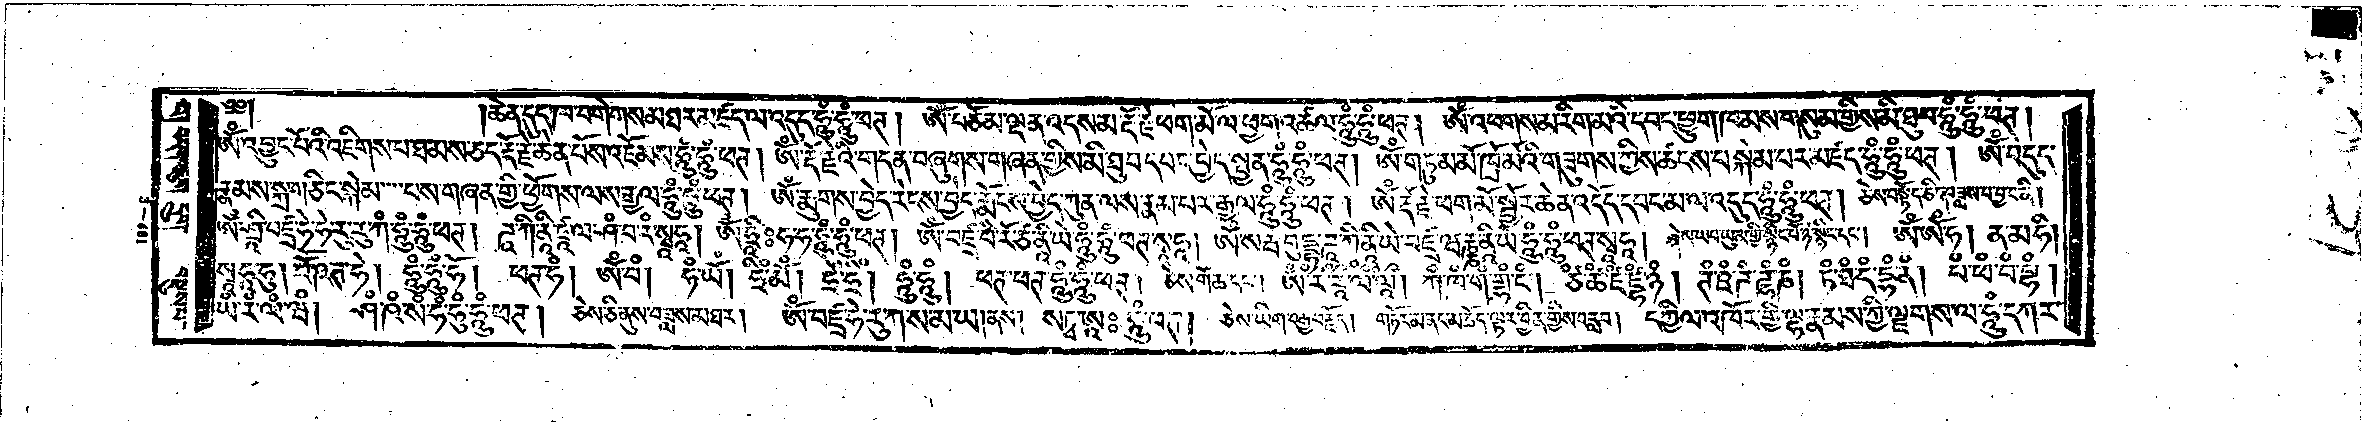༄༅། །ཆེན་དུད་ཁ་བགེགས་མཐར་མཛད་ལ་འདུད་ཧཱུཾ་ཧཱུཾ་ཕཊ། ཨོཾ་བཅོམ་ལྡན་འདས་མ་རྡོ་རྗེ་ཕག་མོ་ལ་ཕྱག་འཚལ་ཧཱུཾ་ཧཱུཾ་ཕཊ། ཨོཾ་འཕགས་མ་རིག་མའི་དབང་ཕྱུག་ཁམས་གསུམ་གྱིས་མི་ཐུབ་ཧཱུཾ་ཧཱུཾ་ཕཊ།
ཨོཾ་འབྱུང་པོའི་འཇིགས་པ་ཐམས་ཅད་རྡོ་རྗེ་ཆེན་པོས་འཇོམས་ཧཱུཾ་ཧཱུཾ་ཕཊ། ཨོཾ་རྡོ་རྗེའི་གདན་བཞུགས་གཞན་གྱིས་མི་ཐུབ་དབང་བྱེད་སྤྱན་ཧཱུཾ་ཧཱུཾ་ཕཊ། ཨོཾ་གཏུམ་མོ་ཁྲོ་མོའི་གཟུགས་ཀྱིས་ཚངས་བསྐེམ་པར་མཛད་ཧཱུཾ་ཧཱུཾ་ཕཊ། ཨོཾ་བདུད་
རྣམས་སྐྲག་ཅིང་སྐེམ་པས་གཞན་གྱི་ཕྱོགས་ལས་རྒྱལ་ཧཱུཾ་ཧཱུཾ་ཕཊ། ཨོཾ་རྨུགས་བྱེད་རེངས་བྱེད་རྨོངས་བྱེད་ཀུན་ལས་རྣམ་པར་རྒྱལ་ཧཱུཾ་ཧཱུཾ་ཕཊ། ཨོཾ་རྡོ་རྗེ་ཕག་མོ་སྦྱོར་ཆེན་འདོད་དབང་མ་ལ་འདུད་ཧཱུཾ་ཧཱུཾ་ཕཊ། ཅེས་བསྟོད་ཅིག་བཟླས་པ་བྱང་ནི།
ཨོཾ་ཤྲཱི་བཛྲ་ཧེ་ཧེ་རུ་རུ་ཀཾ་ཧཱུཾ་ཧཱུཾ་ཕཊ། ཌཱ་ཀི་ནཱི་ཛཱ་ལ་ཤཾ་པ་རཾ་སྭཱཧཱ། ཨོཾ་ཧྲཱིཿཧ་ཧ་ཧཱུཾ་ཧཱུཾ་ཕཊ། ཨོཾ་བཛྲ་བཻ་རོ་ཙ་ནཱི་ཡེ་ཧཱུཾ་ཧཱུཾ་ཕཊ་སྭཱཧཱ། ཨོཾ་སརྦ་བུདྡྷ་ཌཱ་ཀི་ནཱི་ཡེ་བཛྲ་ཝརྞྞ་ནཱི་ཡེ་ཧཱུཾ་ཧཱུཾ་ཕཊ་སྭཱཧཱ། ཞེས་ཡབ་ཡུམ་གྱི་སྙིང་པོ་ཉ་སྙིང་དང་།  ཨོཾ་ཨོཾ་ཧ། ན་མ་ཧི།
སྭཱཧཱ་ཧུ། བཽཥཊ་ཧེ། ཧཱུཾ་ཧཱུཾ་ཧོ། ཕཊ་ཧཾ། ཨོཾ་བཾ། ཧཾ་ཡོཾ། ཧྲིཾ་མོཾ། ཧྲེཾ་ཧྲིཾ། ཧཱུཾ་ཧཱུཾ། ཕཊ་ཕཊ་ཧཱུཾ་ཧཱུཾ་ཕཊ། ཅེས་གོ་ཆ་དང་།  ཨོཾ་རྀཾ་རཱྀཾ་ལྀཾ་ལཱྀཾ། ཀཾ་ཁཾ་གཾ་གྷཾ་ངཾ། ཙཾ་ཚཾ་ཛཾ་ཛྷཾ་ཉཾ། ཏཾ་ཊཿཨཾ་ཌཾ་ཌྷཾ་ནཾ། པཾ་ཕཾ་བཾ་ཕཾ།
ཡཾ་རཾ་ལཾ་ཝཾ། ཤཾ་ཥཾ་སཾ་ཧཾ་ཧུཾ་ཧཱུཾ་ཕཊ། ཅེས་ཅི་ནུས་བཟླས་མཐར།  ཨོཾ་བཛྲ་ཧེ་རུ་ཀ་ས་མ་ཡ། ནས།  སཏྭ་ཨཱཿཧཱུཾ་ཕཊ། ཅེས་ཡིག་བརྒྱ་བརྗོད། གཏོར་མ་ནང་མཆོད་ལྟར་བྱིན་གྱིས་བརླབ།  དཀྱིལ་འཁོར་གྱི་ལྷ་རྣམས་ཀྱི་ལྗགས་ལ་ཧཱུཾ་དཀར་